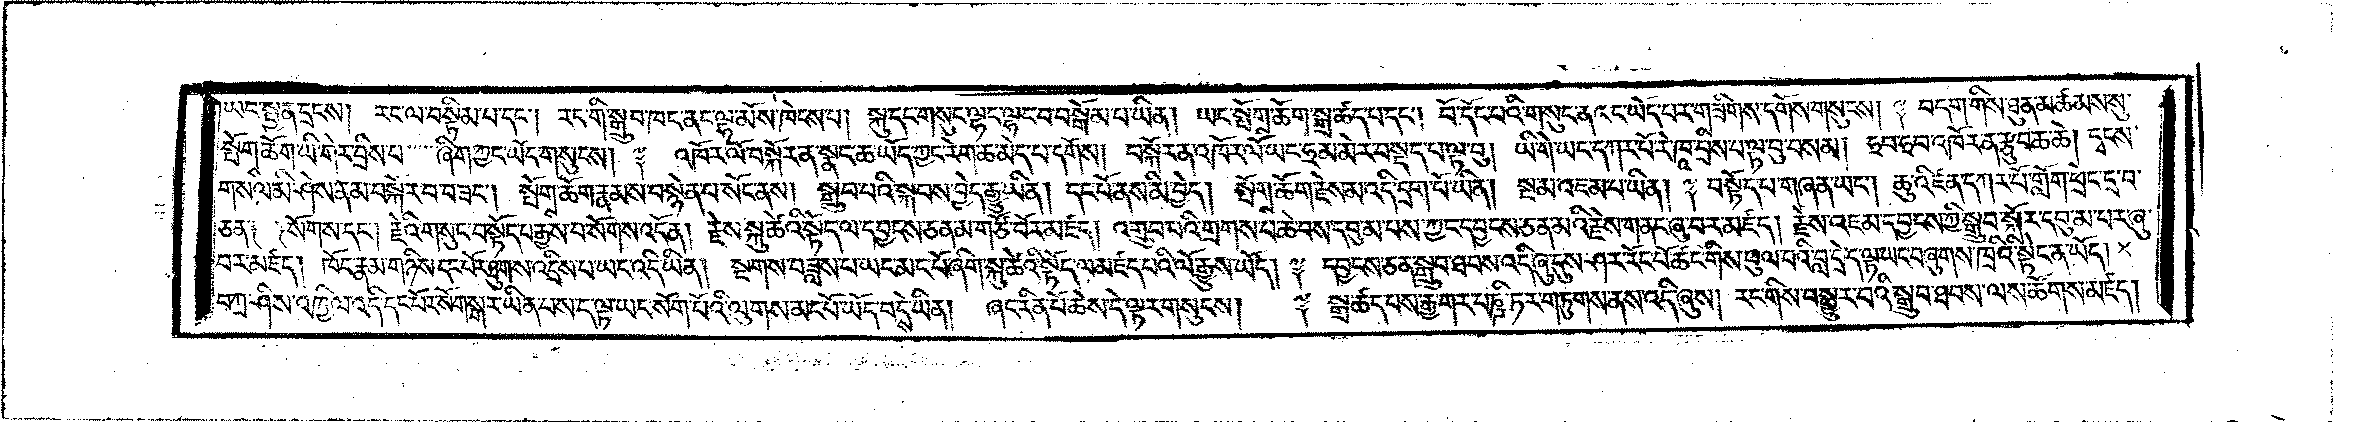ཡང་སྤྱན་དྲངས། རང་ལ་བསྟིམ་པ་དང་། རང་གི་སྒྲུབ་ཁང་ནང་ལྷ་མོས་ཁེངས་པ། སྐུ་དང་གསུང་ལྷང་ལྷང་བ་བསྒོམ་པ་ཡིན། ཡང་སྤོགས་ཆོག་སྒྲ་ཚད་པ་དང་། བོ་དོང་པའི་གསུང་ནའང་ཡོད་པར་གཟིགས་དགོས་གསུངས། ༈ བདག་གིས་ཐུན་མཚམས་སུ་
སྤོག་ཆོག་ཡི་གེར་བྲིས་པ་ཞིག་ཀྱང་ཡོད་གསུངས། ༈ འཁོར་ལོ་བསྐོར་ན་སྣང་ཆ་ཡོད་ཀྱང་རེག་ཆ་མེད་པ་དགོས། བསྐོར་ན་འཁོར་ལོ་ཡང་ཧྲ་མ་མེར་བསྡད་པ་ལྟ་བུ། ཡི་གེ་ཡང་དཀར་པོ་རེ་ཁཱ་བྲིས་པ་ལྟ་བུ་བསམ། ཧྲབ་ཧྲབ་འཁོར་ན་རྩུབ་ཆ་ཆེ། དྭངས་
གསལ་མི་ཤེས་ནམ་བསྐོར་བ་བཟང་། སྤོགས་ཆོག་རྣམས་བསྙེན་པ་སོང་ནས། སྒྲུབ་པའི་སྐབས་བྱེད་རྒྱུ་ཡིན། དང་པོ་ནས་མི་བྱེད། སྤོགས་ཆོག་རྗེས་མ་འདི་དྲག་པོ་ཡིན། སྔ་མ་འཇམ་པ་ཡིན། ༈ བསྟོད་པ་གཞན་ཡང་། ཆུ་འཛིན་དཀར་པོ་གློག་ཕྲེང་དྲ་བ་
ཅན༑ ༑སོགས་དང་། རྗེའི་གསུང་བསྟོད་པ་རྒྱས་པ་སོགས་འདོན། རྗེས་སྐུ་ཚེའི་སྟོད་ལ་དབྱངས་ཅན་མ་གཙོ་བོར་མཛད། འགྲུབ་པའི་གྲགས་པ་ཆེ་བས་དབུ་མ་པས་ཀྱང་དབྱངས་ཅན་མའི་རྗེས་གནང་ཞུ་བར་མཛད། རྗེས་འཇམ་དབྱངས་ཀྱི་སྒྲུབ་སྐོར་དབུ་མ་པར་ཞུ་
བར་མཛད། ཁོང་རྣམ་གཉིས་དང་པོར་ཐུགས་འདྲིས་པ་ཡང་འདི་ཡིན། སྔགས་བཟླས་པ་ཡང་མང་པོ་ཞིག་སྐུ་ཚེའི་ཚོད་ལ་མཛད་པའི་ལོ་རྒྱུས་ཡོད། ༈ དབྱངས་ཅན་སྒྲུབ་ཐབས་འདི་ཞུ་དུས་ཤར་རོང་པོ་ཚང་གིས་ཕུལ་བའི་བླ་དྲེ་ད་ལྟ་ཡང་བཞུགས་ཁྲའི་སྟེང་ན་ཡོད། ྾་
བཀྲ་ཤིས་འཁྱིལ་འདི་དང་པོར་སོག་སྒར་ཡིན་པས་ད་ལྟ་ཡང་སོག་པོའི་ལུགས་མང་པོ་ཡོད་པ་དེས་ཡིན། ཞང་རིན་པོ་ཆེས་དེ་ལྟར་གསུངས། ༈ སྒྲ་ཚད་པས་རྒྱ་གར་པཎྜི་ཏར་གཏུགས་ནས་འདི་ཞུས། རང་གིས་བསྒྱུར་བའི་ཐབས་ལས་ཚོགས་མཛད།